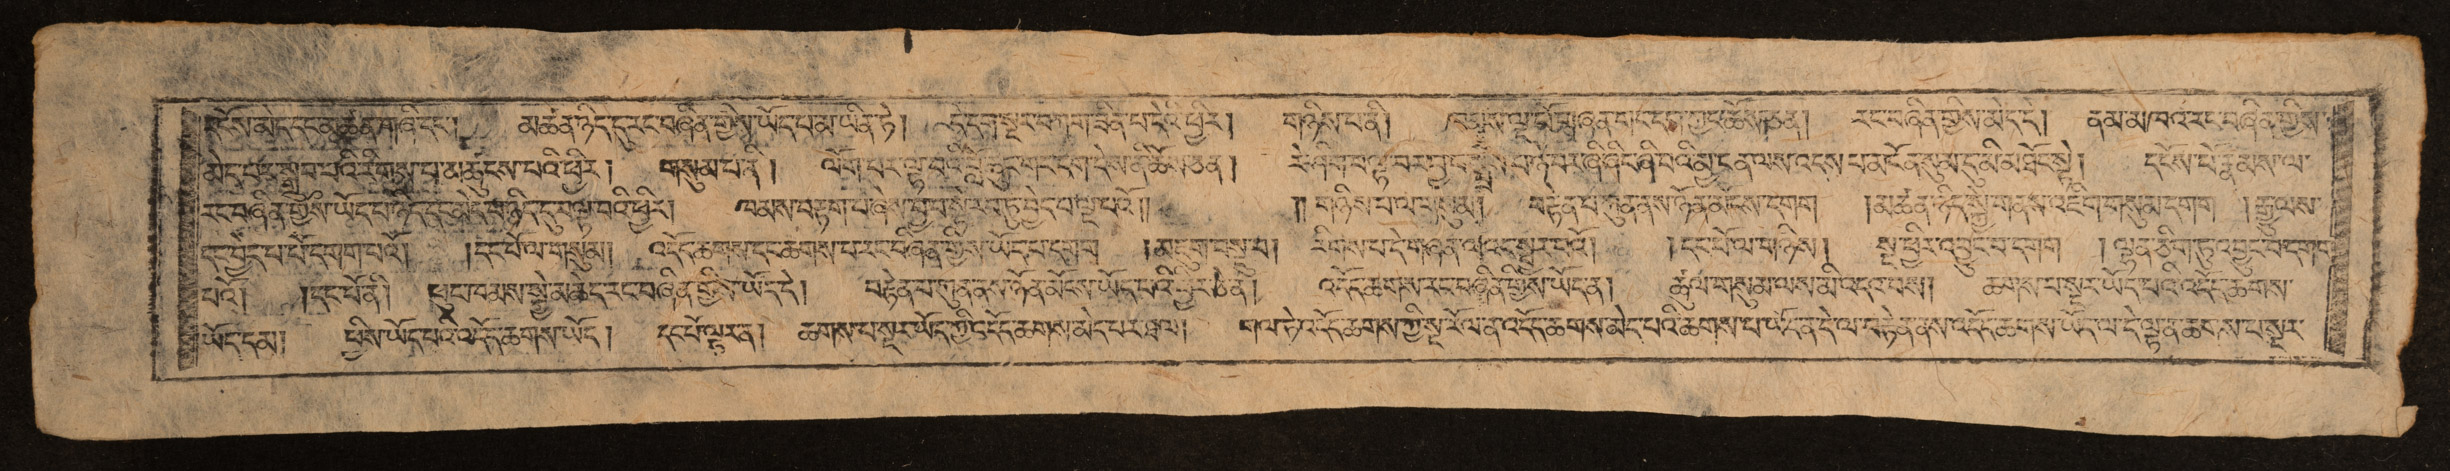དངོས་མེད་པར་མཚན་གཞི་དང་། མཚན་ཉིད་ད་རང་བཞིན་གྱིས་ཡོད་པ་མ་ཡིན་ཏེ། དེ་དག་སྔར་བཀག་ཟིན་པ་དེའི་ཕྱིར། གཉིས་པ་ནི། ཁམས་ལྔ་པོ་གཞན་གང་དག་ཀྱང་ཆོས་ཅན། རང་བཞིན་གྱིས་མེད་དེ། ནམ་མཁའ་རང་བཞིན་གྱིས་
མེད་པར་སྒྲུབ་པའི་རིགས་པ་མཚུངས་པའི་ཕྱིར། གསུམ་པ་ནི། ལོག་པར་ལྟ་བའི་བློ་ཆུང་གང་དག་དེས་ནི་ཆོས་ཅན། རེ་ཤིག་བལྟ་བར་བྱ་བ་སྤྲོས་པ་ཉེ་བར་ཞི་ཞིང་ཞི་བའི་མྱ་ངན་ལས་འདས་པ་མངོན་སུམ་དུ་མི་མཐོང་སྟེ། དངོས་པོ་རྣམས་ལ་
རང་བཞིན་གྱིས་ཡོད་པ་ཉིད་དང་མེད་པ་ཉིད་དུ་བལྟ་བའི་ཕྱིར། ཁམས་བརྟག་པ་ཞེས་བྱ་བ་སྟེ་རབ་ཏུ་བྱེད་པ་ལྔ་པའོ།། །།གཉིས་པ་ལ་གསུམ། བརྟེན་པ་ཀུན་ནས་ཉོན་མོངས་དགག །མཚན་ཉིད་སྐྱེ་གནས་འཇིག་གསུམ་དགག །རྒྱུ་ལས་
དང་བྱེད་པ་པོ་དགག་པའོ། །དང་པོ་ལ་གསུམ། འདོད་ཆགས་དང་ཆགས་པ་རང་བཞིན་གྱིས་ཡོད་པ་དགག །མཇུག་བསྡུ་བ། རིགས་པ་དེ་གཞན་ལའང་སྦྱར་བའོ། །དང་པོ་ལ་གཉིས། སྔ་ཕྱིར་འབྱུང་བ་དགག །ལྷན་ཅིག་ཏུ་འབྱུང་བ་དགག་
པའོ། །དང་པོ་ནི། ཕུང་ཁམས་སྐྱེ་མཆེད་རང་བཞིན་གྱིས་ཡོད་དེ། བརྟེན་པ་ཀུན་ནས་ཉོན་མོངས་ཡོད་པའི་ཕྱིར་ཅེ་ན། འདོད་ཆགས་རང་བཞིན་གྱིས་ཡོད་ན། ཚུལ་གསུམ་ལས་མི་འདའ་བས། ཆགས་པ་སར་ཡོད་པའི་འདོད་ཆགས་
ཡོད་དམ། ཕྱིས་ཡོད་པའི་འདོད་ཆགས་ཡོད། དང་པོ་ལྟར་ན། ཆགས་པ་སྔར་ཡོད་ཀྱི་འདོད་ཆགས་མེད་པར་ཐལ། གལ་ཏེ་འདོད་ཆགས་ཀྱི་སྔ་རོལ་ན་འདོད་ཆགས་མེད་པའི་ཆགས་པ་ཡོད་ན་དེ་ལ་བརྟེན་ནས་འདོད་ཆགས་ཡོད་ལ་དེ་ལྟ་ན་ཆགས་པ་སྔར་